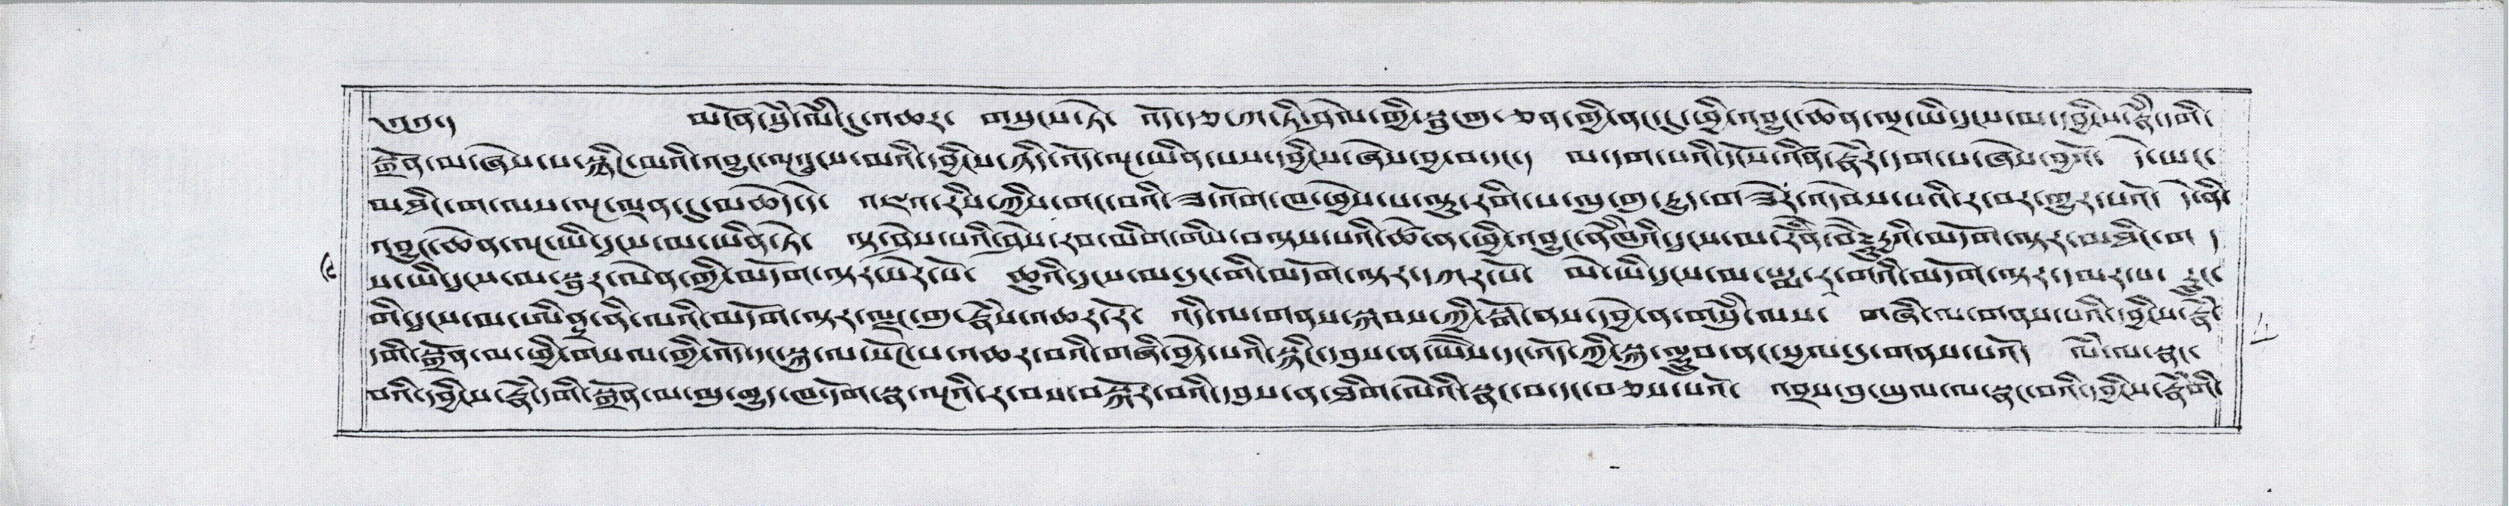མངོན་སུམ་ལམ་དུ་འཆར་གསུངས་ཏེ། འོད་རྩ་ཀ་ཏི་ཤེལ་གྱི་སྦུ་གུ་ཅན་གྱི་ནང་དུ་ཕྱི་འབྱུང་ཆེན་ལྔ་ཡི་དྭངས་མ་དབྱིངས་རྣམ་དག་གི་
སྒྲོན་མ་ཞེས་པ་སྙིགས་མའི་འབྱུང་ལྔ་དྭངས་མའི་དབྱིངས་ཉིད་འོད་ལྔ་ཡིན་པས་དབྱིངས་ཞེས་བྱ་བ་དང་། མ་དག་པའི་དངོས་འཛིན་རྣམ་པར་དག་པ་ཞེས་བྱའོ། དེ་ཡང་
མཐིང་ག་ལས་ལྔ་ལྡན་དུ་མཆེད་དེ། འཇའ་རིས་ཀྱིས་གང་བའི་ཟ་འོག་ཁ་ཕྱེས་པ་ལྟ་བུ་རིག་པ་ལུ་གུ་རྒྱུད་གཟེར་འདེབས་པའི་ར་བར་གྱུར་པའོ། །དེ་ནི་
འབྱུང་ཆེན་ལྔ་ཡི་དྭངས་མ་ཡིན་ཏེ། ལྟ་ཤེས་པའི་ཤེས་རབ་མིག་གིས་བལྟས་པའི་ཚེ་ན། ཕྱི་འབྱུང་ནམ་མཁའི་དྭངས་མ་རིན་པོ་ཆེའི་བཱཻཌཱུརྱའི་མདོག་ལྟར་མཐིང་ག 
ས་ཡི་དྭངས་མ་སྦུར་ལེན་གྱི་མདོག་ལྟར་སེར་པོ། ཆུའི་དྭངས་མ་དུང་གི་མདོག་ལྟར་དཀར་པོ། མེ་ཡི་དྭངས་མ་པད་མ་ར་གའི་མདོག་ལྟར་དམར་པོ། རླུང་
གི་དྭངས་མ་ཨིནྟྲ་ནི་ལའི་མདོག་ལྟར་ལྗང་ཁུ་རྣམས་འཆར་རོ། །འདི་ལ་གནས་སྐབས་ཀྱི་སྒོ་ནས་དབྱེ་ན་གསུམ་ལས། གཞི་ལ་གནས་པའི་དབྱིངས་རྣམ་

དག་གི་སྒྲོན་མ་མུ་ཁྱུད་ཁ་དོག་སྣ་ལྔའི་རྭ་བས་བསྐོར་བའི་དབུས་ན་ཐིག་ལེའི་སྣང་བ་དང་བཅས་པའོ། འབྲས་བུ་ཡུལ་ལ་སྣང་བའི་དབྱིངས་རྣམ་དག་གི་